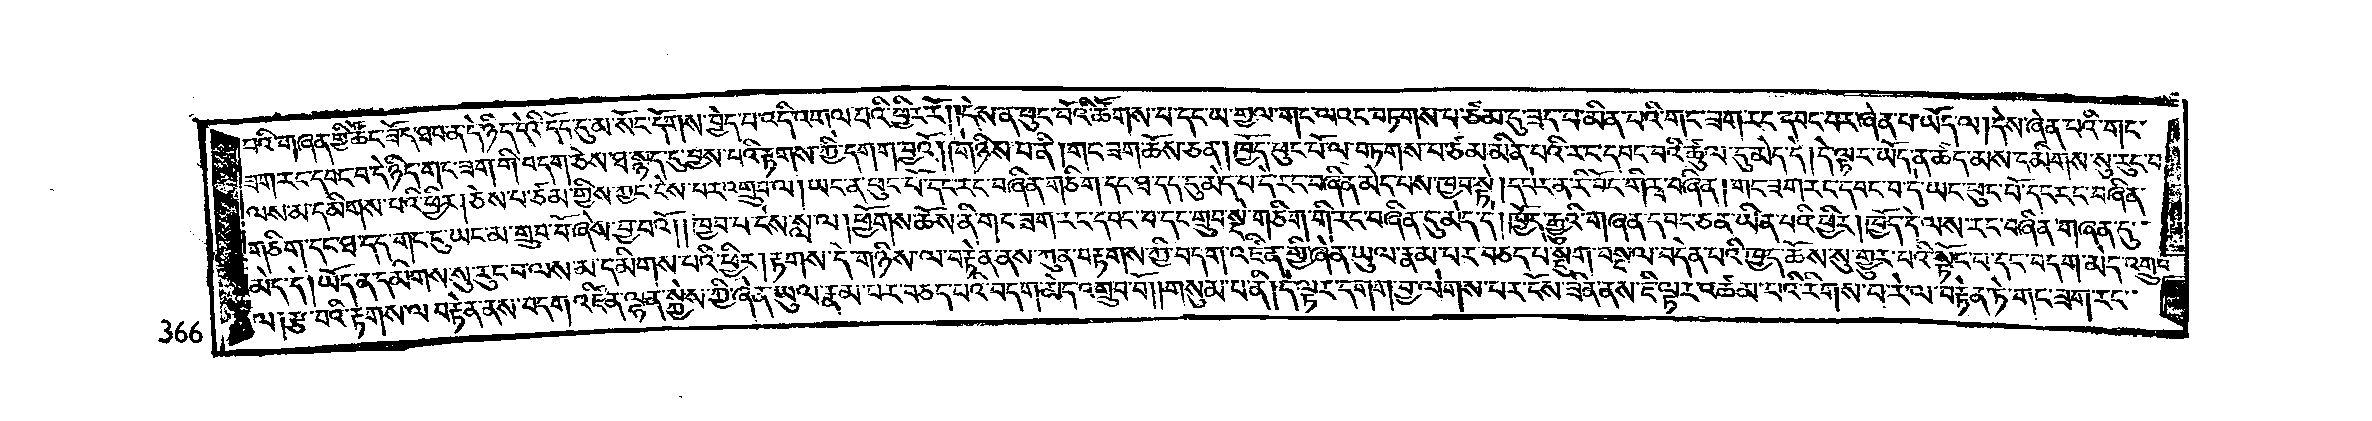པའི་གཞན་གྱི་ཚོང་ཟོང་ཐབ་ན་དེ་ཉིད་དེའི་དོད་དུ་མ་སོང་དོགས་བྱེད་པ་འདི་འགལ་བའི་ཕྱིར་རོ། །དེས་ན་ཕུང་པོའི་ཚོགས་པ་དང་ཡ་གྱལ་གང་ལའང་བཏགས་པ་ཙམ་དུ་ཟད་པ་མིན་པའི་གང་ཟག་རང་དབང་བར་ཞེན་པ་ཡོད་ལ། དེས་ཞེན་པའི་གང་
ཟག་རང་དབང་བ་དེ་ཉིད་གང་ཟག་གི་བདག་ཅེས་ཐ་སྙད་དུ་བྱས་པའི་རྟགས་ཀྱི་དགག་བྱའོ། །གཉིས་པ་ནི། གང་ཟག་ཆོས་ཅན། ཁྱོད་ཕུང་པོ་ལ་བཏགས་པ་ཙམ་མིན་པའི་རང་དབང་བའི་ཚུལ་དུ་མེད་དེ། དེ་ལྟར་ཡོད་ན་ཚད་མས་དམིགས་སུ་རུང་བ་
ལས་མ་དམིགས་པའི་ཕྱིར། ཅེས་པ་ཙམ་གྱིས་ཀྱང་ངེས་པར་འགྲུབ་ལ། ཡང་ན་ཕུང་པོ་དང་རང་བཞིན་གཅིག་དང་ཐ་དད་དུ་མེད་པ་དེ་རང་བཞིན་མེད་པས་ཁྱབ་སྟེ། དཔེར་ན་རི་བོང་གི་རྭ་བཞིན། གང་ཟག་རང་དབང་བ་དེ་ཡང་ཕུང་པོ་དང་རང་བཞིན་
གཅིག་དང་ཐ་དད་གང་དུ་ཡང་མ་གྲུབ་བོ་ཞེས་བྱ་བའོ། །ཁྱབ་པ་ངེས་སླ་ལ། ཕྱོགས་ཆོས་ནི་གང་ཟག་རང་དབང་བ་དང་གྲུབ་སྡེ་གཅིག་གི་རང་བཞིན་དུ་མེད་དེ། ཁྱོད་རྒྱུའི་གཞན་དབང་ཅན་ཡིན་པའི་ཕྱིར། ཁྱོད་དེ་ལས་རང་བཞིན་གཞན་དུ་
མེད་དེ། ཡོད་ན་དམིགས་སུ་རུང་བ་ལས་མ་དམིགས་པའི་ཕྱིར། རྟགས་དེ་གཉིས་ལ་བརྟེན་ནས་ཀུན་བརྟགས་ཀྱི་བདག་འཛིན་གྱི་ཞེན་ཡུལ་རྣམ་པར་བཅད་པ་སྡུག་བསྔལ་བདེན་པའི་ཁྱད་ཆོས་སུ་གྱུར་པའི་སྟོང་པ་དང་བདག་མེད་འགྲུབ་
ལ། རྩ་བའི་རྟགས་ལ་བརྟེན་ནས་བདག་འཛིན་ལྷན་སྐྱེས་ཀྱི་ཞེན་ཡུལ་རྣམ་པར་བཅད་པའི་བདག་མེད་འགྲུབ་བོ། །གསུམ་པ་ནི། དེ་ལྟར་དགག་བྱ་ལེགས་པར་ངོས་ཟིན་ནས་ཇི་ལྟར་འཚམ་པའི་རིགས་པ་རེ་ལ་བརྟེན་ཏེ་གང་ཟག་རང་